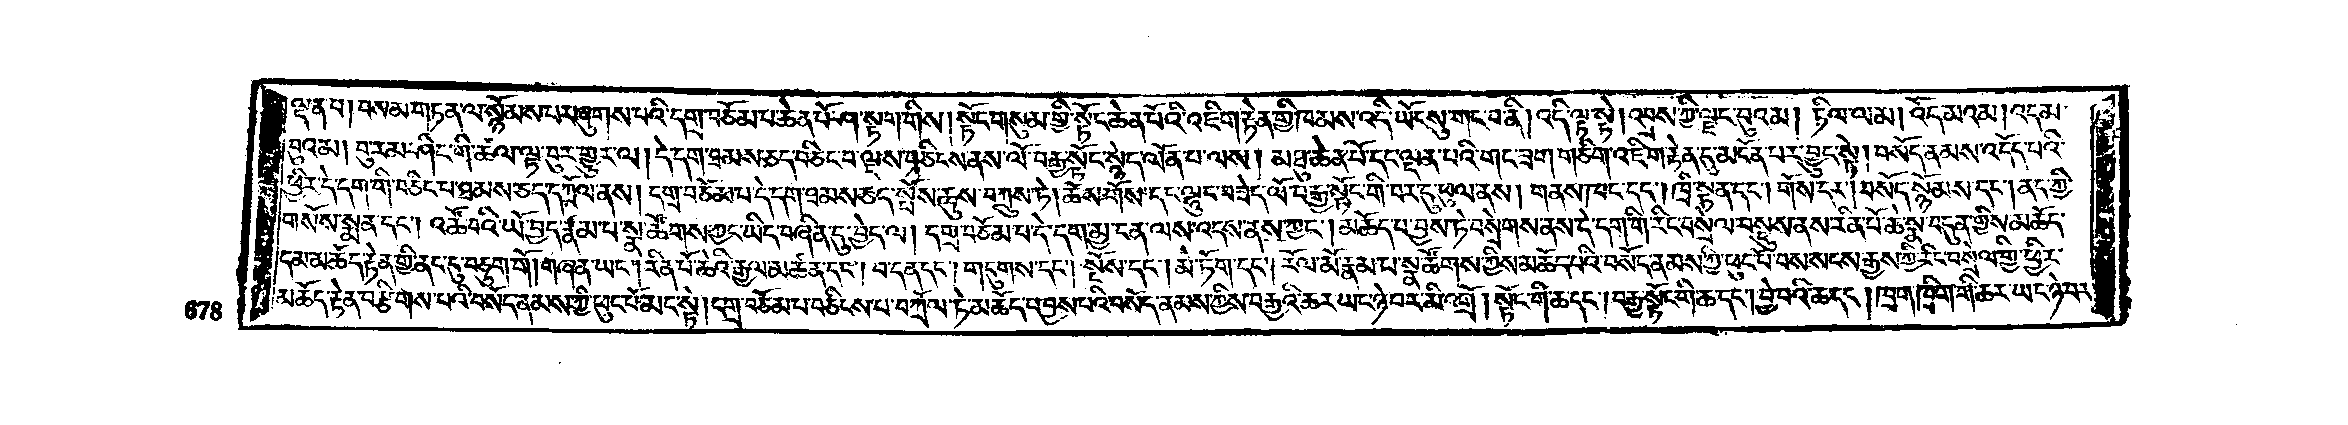ལྡན་པ། བསམ་གཏན་ལ་སྙོམས་པར་ཞུགས་པའི་དགྲ་བཅོམ་པ་ཆེན་པོ་ཤ་སྟག་གིས། སྟོང་གསུམ་གྱི་སྟོང་ཆེན་པོའི་འཇིག་རྟེན་གྱི་ཁམས་འདི་ཡོངས་སུ་གང་བ་ནི། འདི་ལྟ་སྟེ། འབྲས་ཀྱི་ལྗང་བུའམ། ཏིལ་ལམ། འོད་མའམ། འདམ་
བུའམ། བུ་རམ་ཤིང་གི་ཚལ་ལྟ་བུར་གྱུར་ལ། དེ་དག་ཐམས་ཅད་བཅིང་བ་ལྔས་བཅིངས་ནས་ལོ་བརྒྱ་སྟོང་སྙེད་ལོན་པ་ལས། མཐུ་ཆེན་པོ་དང་ལྡན་པའི་གང་ཟག་གཅིག་འཇིག་རྟེན་དུ་མངོན་པར་བྱུང་སྟེ། བསོད་ནམས་འདོད་པའི་
ཕྱིར་དེ་དག་གི་བཅིང་པ་ཐམས་ཅད་དཀྲོལ་ནས། དགྲ་བཅོམ་པ་དེ་དག་ཐམས་ཅད་སྤོས་ཆུས་བཀྲུས་ཏེ། ཆོས་གོས་དང་ལྷུང་བཟེད་ལོ་བརྒྱ་སྟོང་གི་བར་དུ་ཕུལ་ནས། གནས་ཁང་དང་། ཁྲི་སྟན་དང་། གོས་དར། བསོད་སྙོམས་དང་། ནད་ཀྱི་
གསོས་སྨན་དང་། འཚོ་བའི་ཡོ་བྱད་རྣམ་པ་སྣ་ཚོགས་ཀྱང་ཡིད་བཞིན་དུ་བྱེད་ལ། དགྲ་བཅོམ་པ་དེ་དག་མྱ་ངན་ལས་འདས་ནས་ཀྱང་། མཆོད་པ་བྱས་ཏེ་བསྲེགས་ནས་དེ་དག་གི་རིང་བསྲེལ་བསྡུས་ནས་རིན་པོ་ཆེ་སྣ་བདུན་གྱིས་མཆོད་
དམ་མཆོད་རྟེན་གྱི་ནང་དུ་བཅུག་གོ །གཞན་ཡང་། རིན་པོ་ཆེའི་རྒྱལ་མཚན་དང་། བ་དན་དང་། གདུགས་དང་། སྔོས་དང་། མེ་ཏོག་དང་། རོལ་མོ་རྣམ་པ་སྣ་ཚོགས་ཀྱིས་མཆོད་པའི་བསོད་ནམས་ཀྱི་ཕུང་པོ་བས་སངས་རྒྱས་ཀྱི་རིང་བསྲེལ་གྱི་ཕྱིར་
མཆོད་རྟེན་བརྩིགས་པའི་བསོད་ནམས་ཀྱི་ཕུང་པོ་མང་སྟེ། དགྲ་བཅོམ་པ་བཅིངས་པ་བཀྲོལ་ཏེ་མཆོད་པ་བྱས་པའི་བསོད་ནམས་ཀྱིས་བརྒྱའི་ཆར་ཡང་ཉེ་བར་མི་འགྲོ་།སྟོང་གི་ཆ་དང་། བརྒྱ་སྟོང་གི་ཆ་དང་། བྱེ་བའི་ཆ་དང་། ཁྲག་ཁྲིག་གི་ཆར་ཡང་ཉེ་བར་